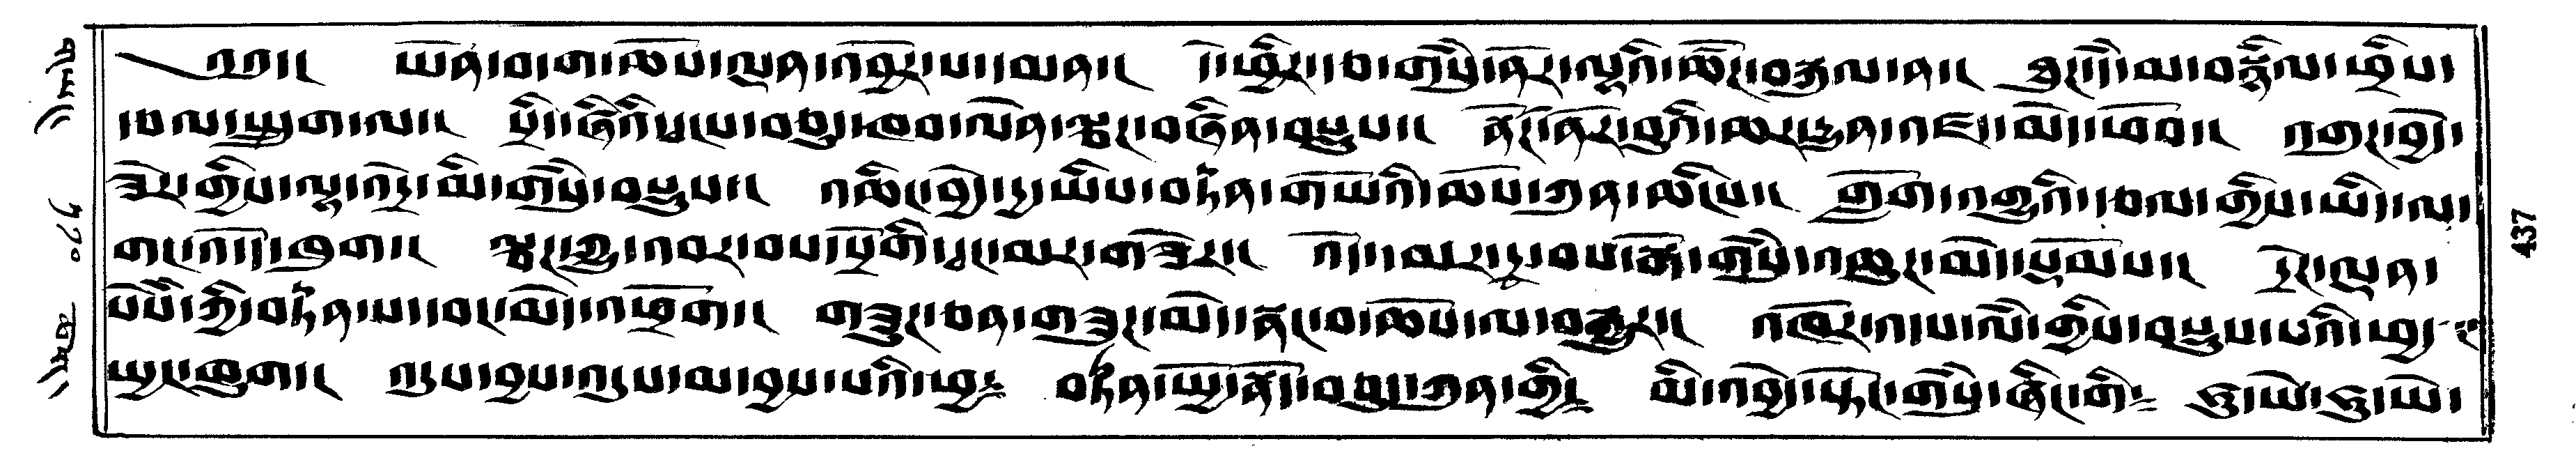ཡོན་བདག་ཆོས་ལྡན་འབྱོར་པ་དམན། །དེ་ཕྱིར་རྩ་གསུམ་ནོར་ལྷའི་ཚོགས་བསྐུལ་ན། །ཐུགས་དམ་མ་བསྙེལ་ཕྲིན་
ལས་རྩལ་སྤྲུགས་ལ། །སྲིད་ཞིའི་དྭངས་བཅུད་ཁབ་ལེན་ལྕགས་བཞིན་སྡུས། །སྣ་ཚོགས་ནོར་བུའི་ཆར་རྒྱུན་འཛད་མེད་ཕོབ། །འགུགས་བྱེད་
ཟེར་གྱིས་ལྷ་འདྲེ་མི་གསུམ་སྡུས། །འཆིང་བྱེད་རྒྱ་ཡིས་བརྟན་གཡོའི་ཆོས་ཀུན་ཆིངས། །གློག་འགྱུའི་རྩལ་གྱིས་ཡིད་ལ་
གང་འདོད་ཁུག །ལྕགས་ཀྱུ་འབར་བས་སྲོག་གི་དྭངས་མར་གཟིར། །འོད་དམར་དྲྭ་བས་སྒོ་གསུམ་འཆུགས་མེད་སྡོམས། །དྲེགས་ལྡན་
སེམས་ཀྱི་བརྟན་པ་དབང་མེད་ཕྲོགས། །གཟུགས་ཅན་གཟུགས་མེད་སྣང་བ་ཆོས་ལ་སྒྱུར། །འཁོར་འདས་ལམ་གྱིས་བསྡུས་པའི་ཕྱ་
གཡང་ཁུག །འདུས་བྱས་འདུས་མ་བྱས་པའི་༴ བརྟན་གཡོ་སྣོད་བཅུད་ཀུན་གྱི༴ མི་འབྱེད་སྟོང་གསུམ་ཞིང་གི༴ ཧ་ཡེ་ཧུ་ཡེ་